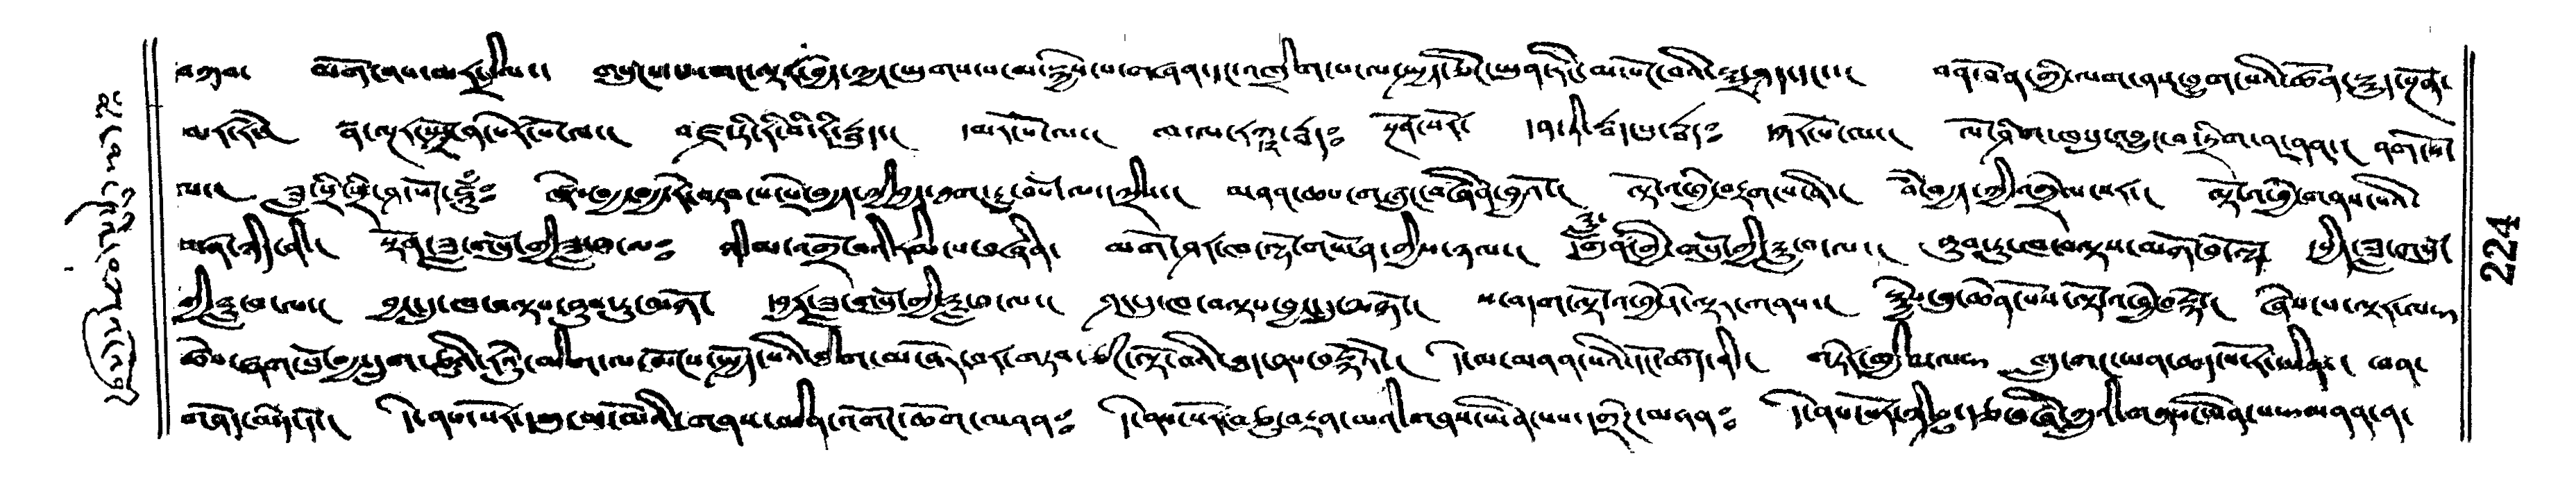བཀབ། མགོ་ནས་མར་དྲིལ་གསུངས་པ་གང་ལྟར་བྱེད་ཀྱང་ཡུགས་ས་མ་སྐྱེས་པ་གཞན་དང་འཁྲིག་པ་སྤྱད་ཅིང་ཡུན་རིང་མ་སོང་བའི་སྐྲ་ཤད་དང་། བན་བོན་གྱི་ལག་ནས་བྱུང་པའི་ཚོན་སྐུད་སྔོན་
དམར་རམ། སྣ་ལྔ་སྤྲོ་ན་སེར་པོ་ལ། བཛྲ་ཏི་རི་བི་རི་རྦུདཿ དམར་པོ་ལ། ཁ་ལ་རཀྵ་རྦདཿ སྔོན་པོར། དན་ཏི་རྦད་སུ་རྦདཿ དཀར་པོ་ལ། ལོ་ཤིག་ཁ་དུ་འབྱུང་བ་ཏྲིག་ན་ནནཿ ནག་པོ་
ལ། ཟླ་སྲི་སྲི་ཤ་སོད་ཧཱུྃཿ ཞེས་བརྒྱ་བརྒྱ་རེ་བཏབ་པ་སྡེ་བརྒྱད་ཀྱི་བྱད་ཐག་ཏུ་བསམ་ལ་དཀྲིས།མནན་ཆས་གཞུང་བཞིན་བྱའོ། ལྟོ་འཕྱེ་བརྟག་པ་ནི། བམ་བརྒྱད་ཀྱི་འགྲེལ་པར། ལྟོ་འཕྱེ་གནས་པའི་
མཚན་ཉིད་ནི། །སྟོན་ཟླ་གསུམ་གྱི་ཟླ་བ་ལ། །ཉི་མ་འགྲོ་བའི་རིམ་པ་བཞིན། །མགོ་ཤར་ཁ་ལྷོ་གཡོན་གྱིས་ཉལ། །དགུན་ཟླ་གསུམ་གྱི་ཟླ་བ་ལ། །ནུབ་ཏུ་ཁ་བལྟས་མགོ་བོ་ལྷོ། དཔྱིད་ཟླ་གསུམ་
གྱི་ཟླ་བ་ལ། །བྱང་དུ་ཁ་བལྟས་ནུབ་ཏུ་མགོ དབྱར་ཟླ་གསུམ་གྱི་ཟླ་བ་ལ། །ཤར་དུ་ཁ་བལྟས་བྱང་དུ་མགོ །ས་བདག་ལྟོ་འཕྱེ་དེ་ལྟར་གནས། །སྐྱེས་བུ་ཆེན་པོས་ལྟོ་འཕྱེ་བརྐོ། ཞེས་པ་ལྟར་ལ། 
ཚེས་ཞག་སུམ་བརྒྱ་དྲུག་ཅུའི་རེའུ་མིག་ལ་ལོངས་སྤྱོད་པའི་ཐིག་མ་ནོར་བར་བཏབ་ཅིང་ལྟོ་བའི་ཐད་ནས་བརྐོའོ། དེ་ལ་མནན་པའི་དོང་ཚད་ནི། གཏེར་ཁྱིམ་ལས། ཁྲུ་གང་ཡན་ཆད་ས་རོ་ཡིན། ཕན་
གནོད་མེད་དོ། དེ་ནས་སོར་དགུ་མ་མོའི་གནས་ཡིན་འགོང་ཆོག་མནན། དེ་ནས་སོར་བཅུ་བརྟན་མའི་གནས་ཡིན་པས་དགྲ་བགེགས་མནན། དེ་ནས་སོར་ཉི་ཤུ་རྩ་བཞི་ཀླུའི་གནས་ཡིན་པས་མནན་ན་